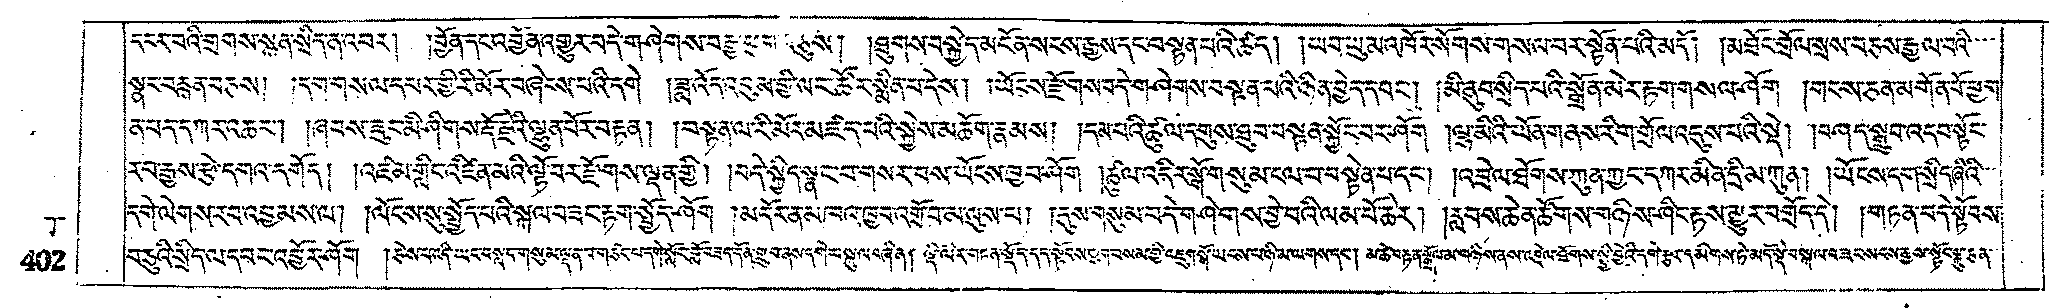དངར་བའི་གྲགས་སྙན་སྲིད་ན་འབར། །བྱོན་དང་འབྱོན་འགྱུར་བདེ་གཤེགས་བརྒྱ་ཕྲག་བཅུས། །ཐུགས་བསྐྱེད་མངོན་སངས་རྒྱས་དང་བསྟན་པའི་ཚད། །ཡབ་ཡུམ་འཁོར་སོགས་གསལ་བར་སྟོན་པའི་མདོ། །མཐོང་གྲོལ་སྲས་བཅས་རྒྱལ་བའི་་་
སྣང་བརྙན་བཅས། །དག་གསལ་དཔར་གྱི་རི་མོར་བཞེངས་པའི་དགེ །ཟླ་འོད་འབུམ་གྱི་ལང་ཚོར་སྨིན་པ་དེས། །ཡོངས་རྫོགས་བདེ་གཤེགས་བསྟན་པའི་ཉིན་བྱེད་དབང་། །མི་ནུབ་སྲིད་པའི་སྒྲོན་མེར་རྟག་གསལ་ཤོག །གངས་ཅན་མགོན་པོ་ཕྱག་
ན་པད་དཀར་འཆང་། །ཞབས་ཟུང་མི་ཤིགས་རྡོ་རྗེའི་ལྷུན་པོར་བརྟན། །བསྟན་ལ་རི་མོར་མཛད་པའི་སྐྱེས་མཆོག་རྣམས། །དམ་པའི་ཚུལ་དགུས་ཐུབ་བསྟན་སྐྱོང་བར་ཤོག །ལྷ་མིའི་ཡོན་གནས་རིག་གྲོལ་འདུས་པའི་སྡེ། །བཤད་སྒྲུབ་འདབ་སྟོང་
རབ་རྒྱས་རྩེ་དགའ་དགོད། །འཛམ་གླིང་འཛིན་མའི་ལྟོ་བར་རྫོགས་ལྡན་གྱི། །བདེ་སྐྱིད་སྣང་བ་གསར་པས་ཡོངས་ཁྱབ་ཤོག །ཚུལ་འདིར་སྒོ་གསུམ་ངལ་བ་བསྟེན་པ་དང་། །འབྲེལ་ཐོགས་ཀུན་ཀྱང་དཀར་མིན་དྲི་མ་ཀུན། །ཡོངས་དག་སྲིད་ཞིའི་་་
དགེ་ལེགས་རབ་འབྱམས་ལ། །ལོངས་སུ་སྤྱོད་པའི་སྐལ་བཟང་རྟག་སྤྱོད་ཤོག །མདོར་ན་མཁའ་ཁྱབ་འགྲོ་བ་མ་ལུས་པ། །དུས་གསུམ་བདེ་གཤེགས་བྱེ་བའི་ལམ་པོ་ཆེར། །རླབས་ཆེན་ཚོགས་གཉིས་ཤིང་རྟས་མྱུར་བགྲོད་དེ། །གཏན་བདེ་སྟོབས་
བཅུའི་སྲིད་ལ་དབང་འབྱོར་ཤོག །ཅེས་པ་འདི་ཡང་བསླབ་གསུམ་ལྡན་པ་གཙང་པ་དགེ་སློང་བློ་བཟང་དོན་གྲུབ་ནས་དགེ་བསྐུལ་བཞིན། ལྡི་ལིར་གཏན་སྡོད་དད་སྟོབས་ལྷག་བསམ་གྱི་འཇུག་སྒོ་ཡངས་པ་ཉི་མ་ལགས་དང་། མ་ཚེ་བརྟན་སྒྲོལ་མ་གཉིས་ནས་འབྲེལ་ཐོགས་སྤྱི་བྱེའི་དགེ་རྩར་དམིགས་ཏེ་མདོ་སྡེ་བསྐལ་བཟང་སངས་རྒྱས་སྟོང་སྐུ་ཅན་